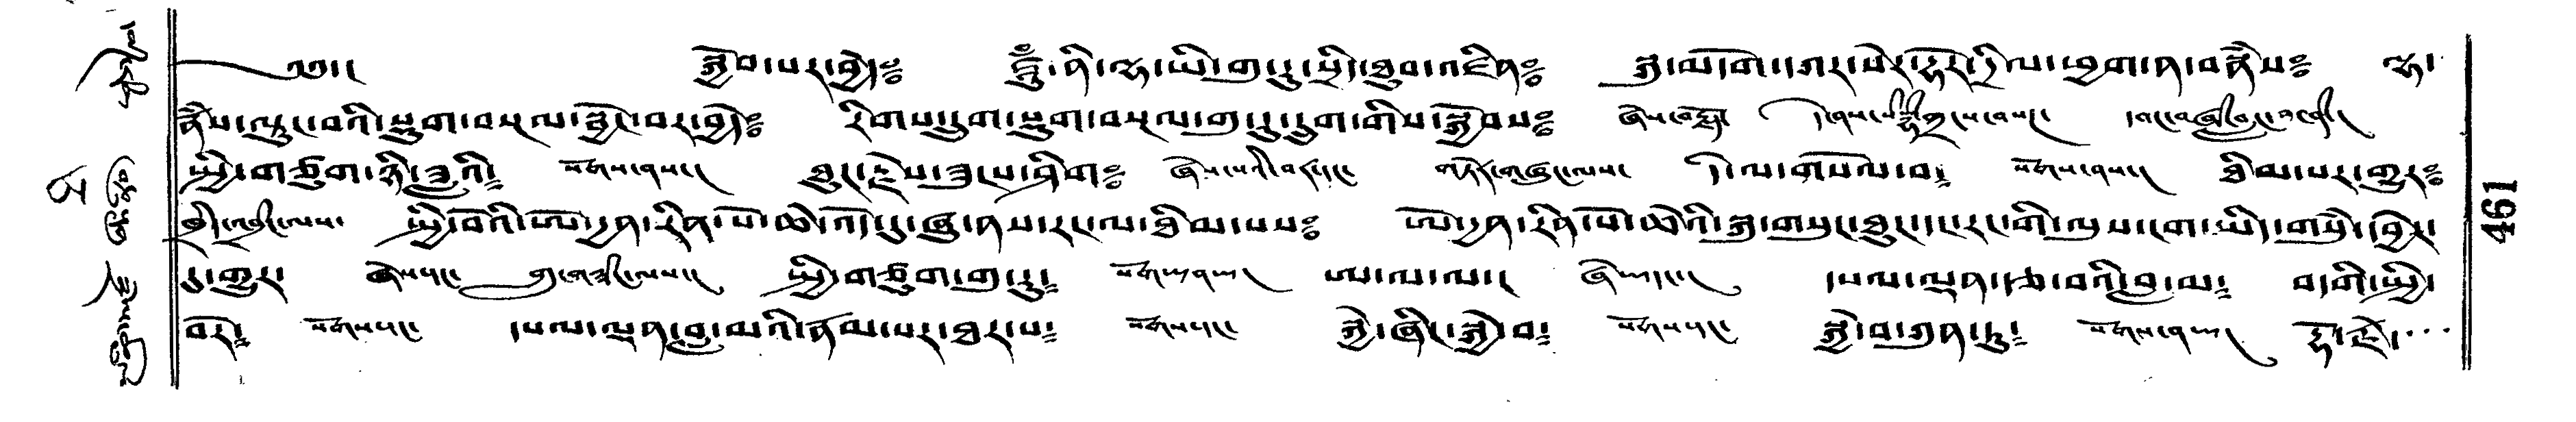སྐྱོབ་པར་བྱེད༔ ཧཱུྃ་ནི་ལྷ་ཡི་གུ་རུ་སྲིད་ཐུབ་འཛིན༔ སྐུ་མདོག་དཀར་སེར་རྡོར་དྲིལ་ཕྱག་ན་བསྣམས༔ ལྷ་
རྣམས་ལྟུང་བའི་སྡུག་བསྔལ་སྦྱོང་བར་བྱེད༔ རིགས་དྲུག་སྡུག་བསྔལ་གུ་རུ་དྲུག་གིས་སྐྱོབས༔ ཞེས་བརྗོད། དེ་ནས་སིདྡྷི་གྲངས་བསག དབང་བཞི་བླང་བ་ནི། 
སྤྱི་གཙུག་ཉི་ཟླའི༴ སོགས་ནས། ཐུགས་རྗེས་ཟུངས་ཤིག༔ ཞེས་པའི་བར་དང་། གཏེར་གཞུང་ལས། དེ་ལ་གསོལ་བ༴ སོགས་ནས། ཐིམ་པར་གྱུར༔ 
ཁྲིད་འབྲིང་ལས། སྤྱི་བོའི་ཨོ་རྒྱན་རིན་པོ་ཆེ་འོད་དུ་ཞུ་ནས་རང་ལ་ཐིམ་པས༔ ཨོ་རྒྱན་རིན་པོ་ཆེའི་སྐུ་གསུང་ཐུགས་དང་རང་གི་ལུས་ངག་ཡིད་གསུམ་དབྱེར་
དུ་གྱུར༔ ཅེས་དང་། གྲུ་གཟིངས་ལས། སྤྱི་གཙུག་གུ་རུ༴ སོགས་ནས། ཨ་ལ་ལ། ཞེས་དང་། དཔལ་ལྡན་རྩ་བའི་བླ་མ༴ བདག་གི་སྤྱི་
བོར༴ སོགས་དང་། དཔལ་ལྡན་བླ་མའི་རྣམ་པར་ཐར་པ༴ སོགས་དང་། སྐྱེ་ཞིང་སྐྱེ་བ༴ སོགས་དང་། སྐྱེ་བ་ཀུན་ཏུ༴ སོགས་ནས། རྡོ་རྗེ་